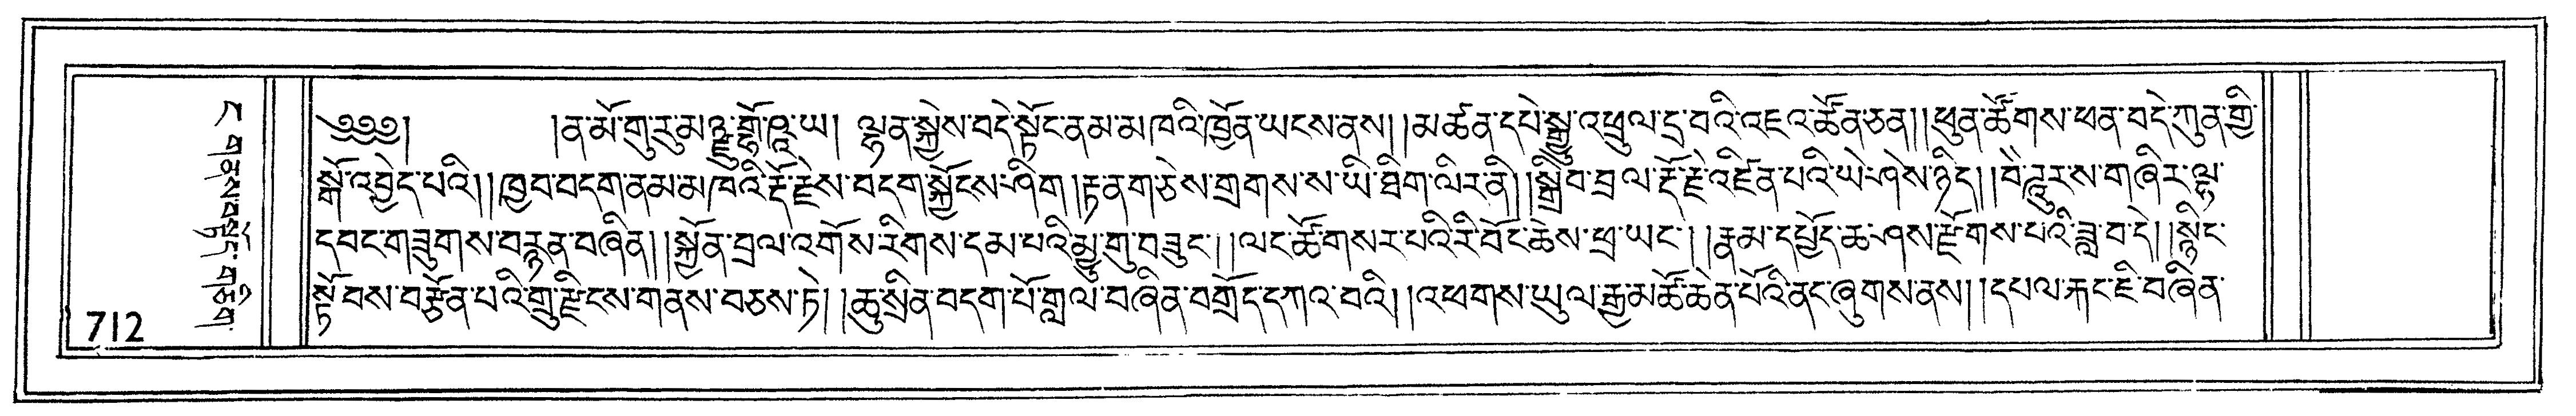༄༅༅། །ན་མོ་གུ་རུ་མཉྫུ་གྷོ་ཥཱ་ཡ། ལྷན་སྐྱེས་བདེ་སྟོང་ནམ་མཁའི་ཁྱོན་ཡངས་ནས། །མཚན་དཔེ་སྒྱུ་འཕྲུལ་དྲ་བའི་འཇའ་ཚོན་ཅན། །ཕུན་ཚོགས་ཕན་བདེ་ཀུན་གྱི་
སྒོ་འབྱེད་པའི། །ཁྱབ་བདག་ནམ་མཁའི་རྡོ་རྗེས་བདག་སྐྱོངས་ཤིག །རྟ་ནག་ཅེས་གྲགས་ས་ཡི་ཐིག་ལིར་ནི། །སྒྲིབ་བྲལ་རྡོ་རྗེ་འཛིན་པའི་ཡེ་ཤེས་ཉིད། །བཻ་ཌཱུར་ས་གཞིར་ལྷ་
དབང་གཟུགས་བརྙན་བཞིན། །སྐྱོན་བྲལ་འགོས་རིགས་དམ་པའི་མྱུ་གུ་བཟུང་། །ལང་ཚོ་གསར་བའི་རི་བོང་ཆེས་ཕྲ་ཡང་། །རྣམ་དཔྱོད་ཆ་ཤས་རྫོགས་པའི་ཟླ་བ་དེ། །སྙིང་
སྟོབས་བརྩོན་པའི་གྲུ་རྫིངས་གནས་བཅས་ཏེ། །ཆུ་སྲིན་བདག་པོ་གླལ་བཞིན་བགྲོད་དཀའ་བའི། །འཕགས་ཡུལ་རྒྱ་མཚོ་ཆེན་པོའི་ནང་ཞུགས་ནས། །དཔལ་རྐང་ཇི་བཞིན་